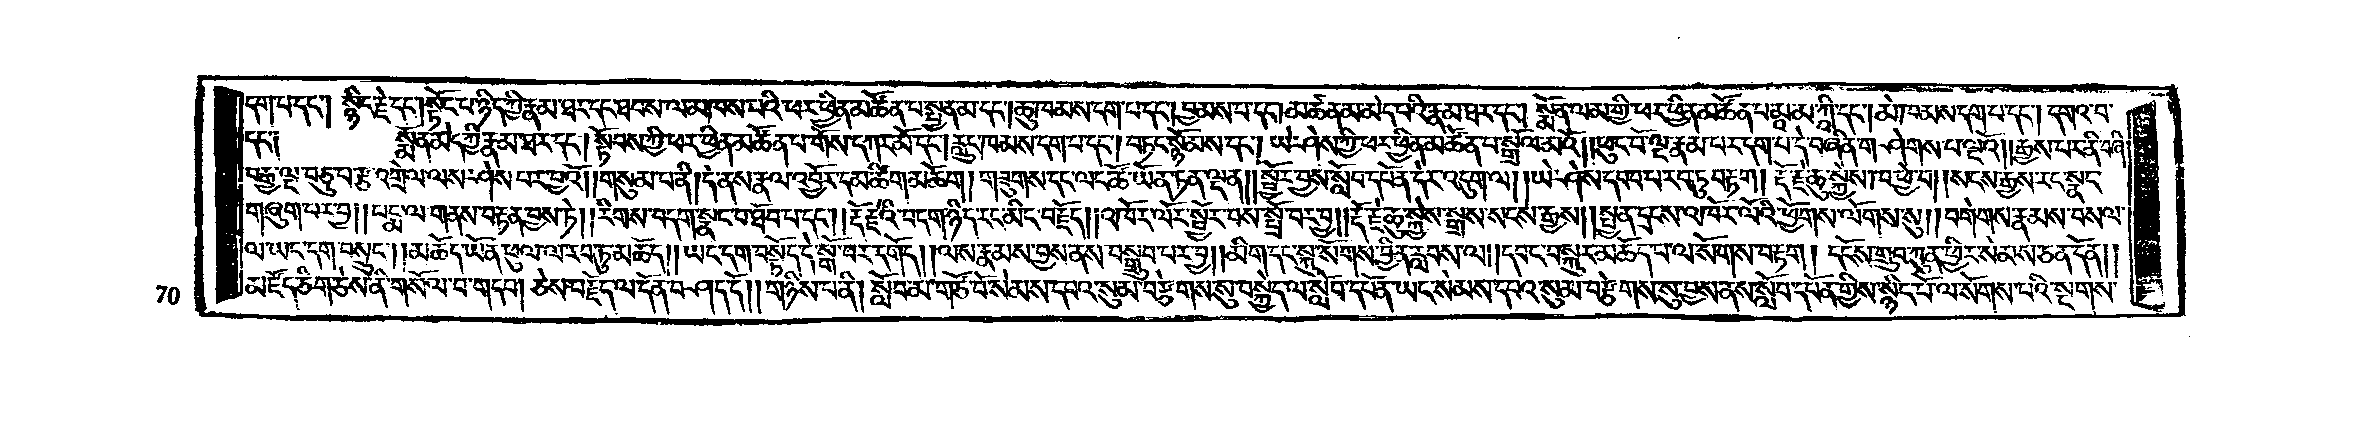དག་པ་དང་། སྙིང་རྗེ་དང་། སྟོང་པ་ཉིད་ཀྱི་རྣམ་ཐར་དང་ཐབས་ལ་མཁས་པའི་ཕར་ཕྱིན་མཚོན་པ་སྤྱན་མ་དང་། ཆུ་ཁམས་དག་པ་དང་། བྱམས་པ་དང་། མཚན་མ་མེད་པའི་རྣམ་ཐར་དང་། སྨོན་ལམ་གྱི་ཕར་ཕྱིན་མཚོན་པ་མཱ་མ་ཀཱི་དང་། མེ་ཁམས་དག་པ་དང་། དགའ་བ་
དང༑ སྨོན་མེད་ཀྱི་རྣམ་ཐར་དང་། སྟོབས་ཀྱི་ཕར་ཕྱིན་མཚོན་པ་གོས་དཀར་མོ་དང་། རླུང་ཁམས་དག་པ་དང་། བཏང་སྙོམས་དང་། ཡེ་ཤེས་ཀྱི་ཕར་ཕྱིན་མཚོན་པ་སྒྲོལ་མའོ། །ཕུང་པོ་ལྔ་རྣམ་པར་དག་པ་དེ་བཞིན་གཤེགས་པ་ལྔའོ། །རྒྱས་པར་ནི་བཞི་
བརྒྱ་ལྔ་བཅུ་པ་རྩ་འགྲེལ་ལས་ཤེས་པར་བྱའོ། །གསུམ་པ་ནི། དེ་ནས་རྣལ་འབྱོར་དམ་ཚིག་མཆོག །གཟུགས་དང་ལང་ཚོ་ཡོན་ཏན་ལྡན། །སྦྱོར་བྱས་སློབ་དཔོན་དེར་འདུག་ལ། །ཡེ་ཤེས་དབབ་པ་རབ་ཏུ་བརྟག །རྡོ་རྗེ་ཆུ་སྐྱེས་ཁ་ཕྱེ་བ། །སངས་རྒྱས་རང་སྣང་
གཞུག་པར་བྱ། །པདམ་ལ་གནས་བརྟན་བྱས་ཏེ། །རིགས་བདག་སྣང་བ་ཐོབ་པ་དང་། །རྡོ་རྗེའི་བདག་ཉིད་རང་མིང་བརྗོད། །འཁོར་ལོར་སྦྱོར་བས་སྤྲོ་བར་བྱ། །རྡོ་རྗེ་ཆུ་སྐྱེས་སྒྲས་སངས་རྒྱས། །སྤྱན་དྲངས་འཁོར་ལོའི་ཕྱོགས་ལོགས་སུ། །བགེགས་རྣམས་བསལ་
ལ་ཡང་དག་བསྲུང་། །མཆོད་ཡོན་ཕུལ་ལ་རབ་ཏུ་མཆོད། །ཡང་དག་བསྟོད་དེ་སྒོ་བར་དགོད། །ལས་རྣམས་བྱས་ནས་བསྒྲུབ་པར་བྱ། །མིག་དང་སྐུ་སོགས་བྱིན་རླབས་ལ། །དབང་བསྐུར་མཆོད་པ་ལ་སོགས་བརྟག །དངོས་གྲུབ་ཀུན་ཕྱིར་སེམས་ཅན་དོན། །
མཛོད་ཅིག་ཅེས་ནི་གསོལ་བ་གདབ། ཅེས་བརྗོད་ལ་དོན་བཤད་དོ། །གཉིས་པ་ནི། སློབ་མ་གཙོ་བོ་སེམས་དཔའ་སུམ་བརྩེགས་སུ་བསྐྱེད་ལ་སློབ་དཔོན་ཡང་སེམས་དཔའ་སུམ་བརྩེགས་སུ་བྱས་ནས་སློབ་དཔོན་གྱིས་སྙིང་པོ་ལ་སོགས་པའི་སྔགས་